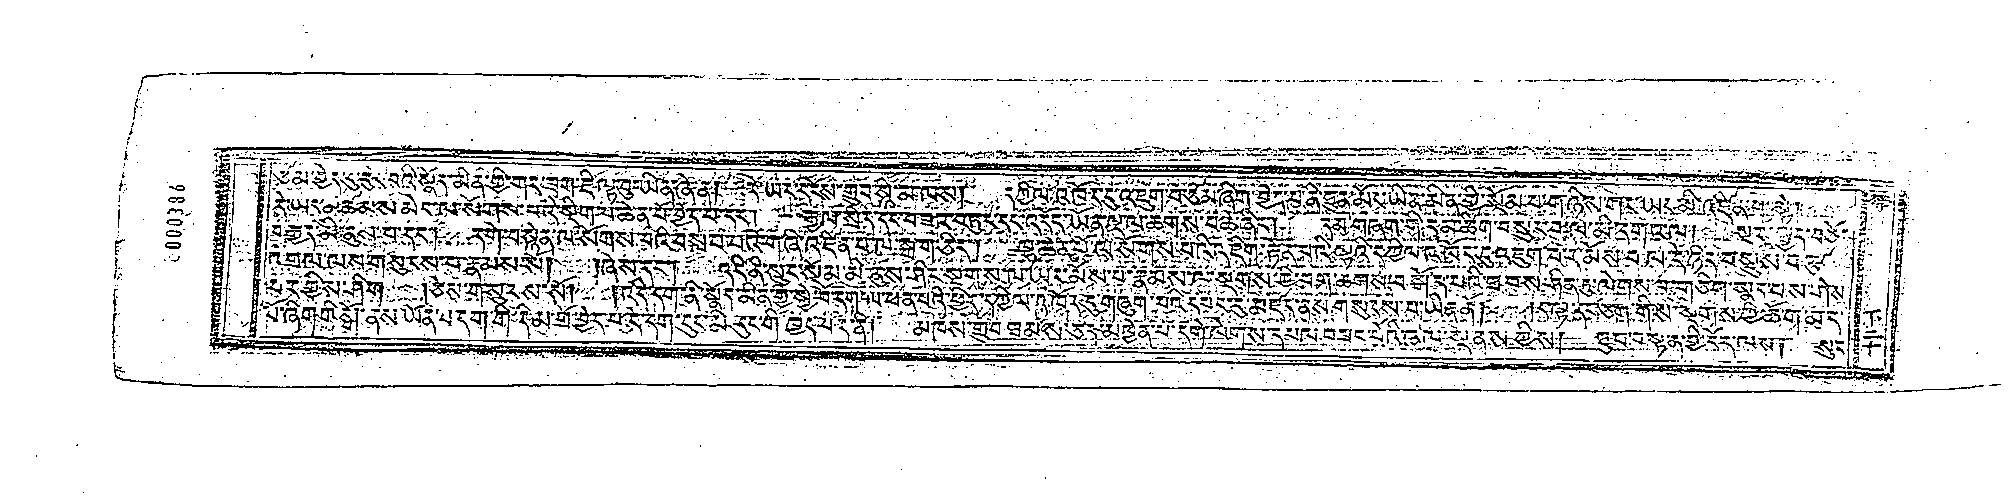ཙམ་བྱེད་དུ་རུང་བའི་སྣོད་མིན་གྱི་གང་ཟག་ཇི་ལྟ་བུ་ཡིན་ཞེ་ན། དེ་ཡང་དངོས་གྲུབ་སྙི་མ་ལས། དཀྱིལ་འཁོར་དུ་འཇུག་བ་ཙམ་ཞིག་བྱེད་པ་ནི་ཐུན་མོང་ཡིན་གྱི་སྡོམ་པ་གཉིས་གང་ཡང་མི་འཛིན་པ་སྟེ།
དེ་ཡང་མཚམས་མེད་ལ་སོགས་པའི་སྡིག་པ་ཆེན་པོ་བྱེད་པ་དང་། རྒྱལ་སྲིད་དང་བཟའ་བཏུང་དང་འདོད་ཡོན་ལྔ་ལ་ཆགས་པ་ཆེ་ཞིང་། དམ་གཞག་གི་དམ་ཚིག་བསྲུང་བ་ལ་མི་དགའ་ལ། སྔར་སྦྱད་བཅོ་
བརྒྱད་མི་ནུས་པ་དང་། དགེ་བསྙེན་ལ་སོགས་པའི་བསླབ་པའི་གཞི་འཛིན་པ་ལ་སྐྲག་ཅིང་། ལྷ་ཆེན་པོ་ལ་སོགས་པའི་འཇིག་རྟེན་པའི་ལྷའི་དཀྱིལ་འཁོར་དུ་འཇུག་བར་མོས་བ་ལ་དེ་ཉིད་བསྡུས་བརྩ་
འགྲལ་ལས་གསུངས་པ་རྣམས་སོ། །ཞེས་དང་། འདི་ནི་སྲུང་སྡོམ་མི་ནུས་ཤིང་སྔགས་ལ་ཡང་མོས་པ་རྣམས་ལ་སྔགས་ཀྱི་བག་ཆགས་བསྒོར་བའི་ཐབས་ཤིན་ཏུ་ལེགས་བ་གཅིག་སྣང་པས་ཤེས་
པར་གྱིས་ཤིག །ཅེས་གསུངས་སོ། །འདི་དག་ནི་སྣོད་མིན་གྱི་སྐྱེ་བོ་དག་ལ་ཕན་པའི་ཕྱིར་དཀྱིལ་འཁོར་དུ་གཞུག་པའི་དབང་དུ་མཛད་ནས་གསུངས་པ་ཡིན་ནོ། །ད་ལྟ་རང་ཅག་གིས་སྔགས་ཀྱི་ཆོ་ག་མང་
པོ་ཞིག་གི་སྒོ་ནས་ཡོན་བདག་གི་རིམ་གྲོ་བྱེད་པ་དེ་དག་རུང་མི་རུང་གི་ཁྱད་པར་ནི། མཁས་གྲུབ་ཐམས་ཅད་མཁྱེན་པ་དགེ་ལེགས་དཔལ་བཟང་པོའི་ཞལ་སྔ་ནས་ཀྱིས། ཐུབ་བསྟན་བྱི་དོར་ལས། སུང་